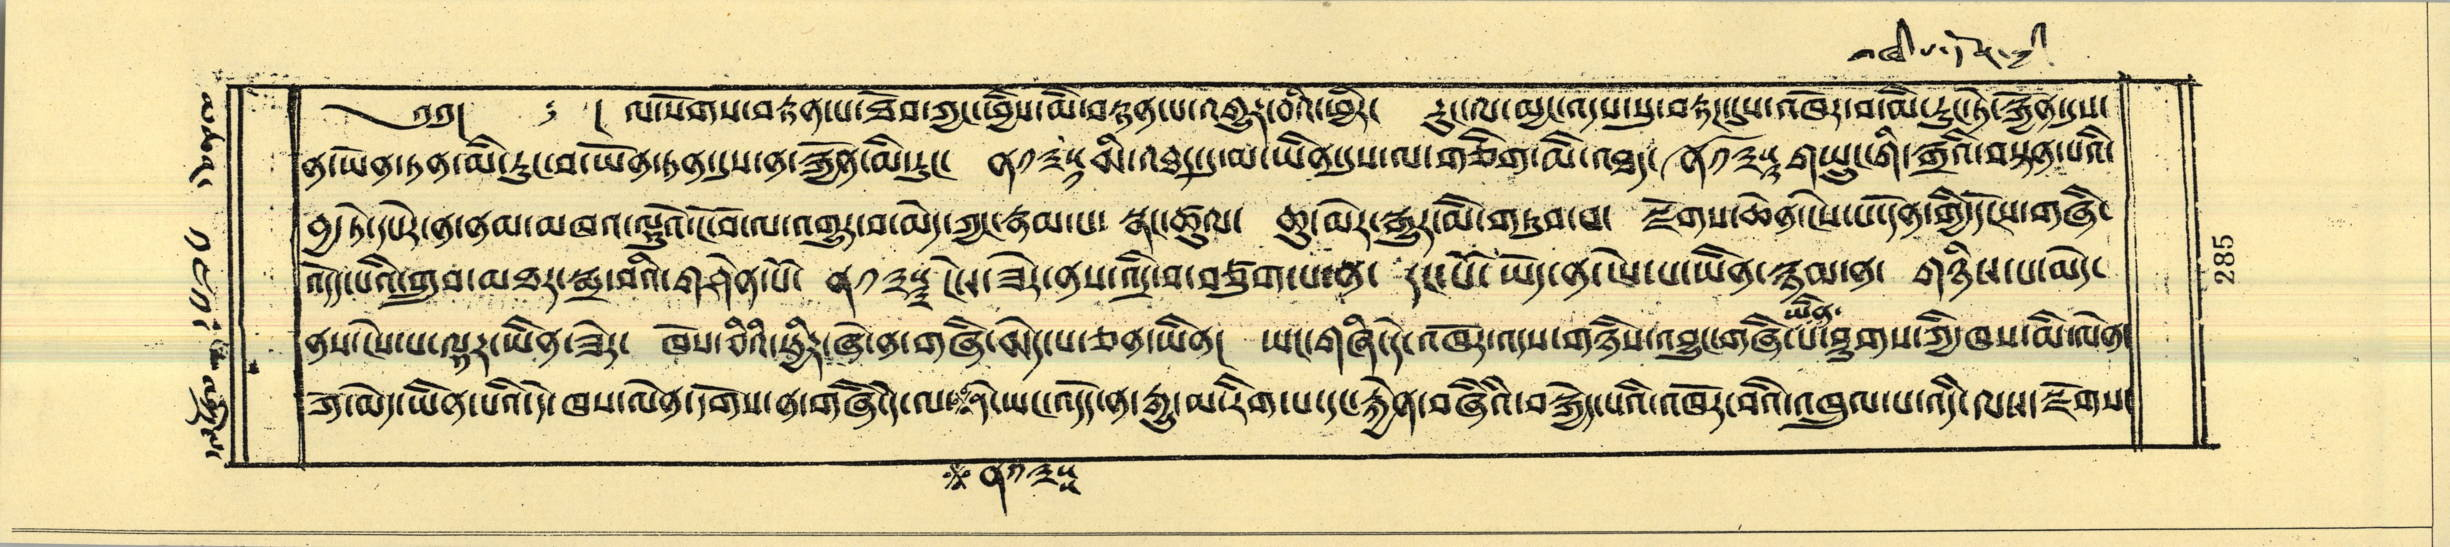ལ་སོགས་བརྟན་པ་ཐོབ་ཀྱང་ཕྱིས་མི་བརྟན་པ་འགྱུར་བའི་ཕྱིར། རུང་ལ་མྱང་འདས་སུ་བརྟགས་དུས་འཁོར་བ་མི་རུང་ཏེ་སྐྱོན་དུས་
ན་ཡོན་ཏན་མི་རུང་བ་ཡོན་ཏན་དུས་ན་སྐྱོན་མི་རུང། ན༡༣༥།༡ མི་འཐད་དུ་མ་ཡིན་དུས་ལ་གཅིག་མི་འཐད། བཞི་པ་དོན་གྱི་ ན༡༣༥།༢ གཡུང་དྲུང་གི་སྒྲའི་བསྟན་པའི་ 
བྱ་ཏེ་དཔེར་ན་ནམ་མཁའ་ལྟ་བུའོ་ངོ་བོ་ལ་འགྱུར་བ་མེད་ཀྱང་རྣམ་པ་ སྣང་ཚུལ་ ཆུ་མེར་སྒྱུར་མི་གཏུབ་པ། སྫོགས་ཆེན་ངེས་པ་དོན་གྱི་དངོས་གཞི་
འདོད་པའི་གྲུབ་མཐར་སྨྲ་བའི་གཞེན་པོ་ ན༡༣༥།༣ ངེས་ཟེར་ནས་འདྲི་བ་བཙུག་པ་ན་ དང་པོ་ཡོད་ན་ངེས་པ་ཡིན་སྙམ་ན། གཉིས་པ་མེད་
ནས་ངེས་པ་ལྟར་ཡིན་ཟེར། ཁོས་ཅིའི་ཕྱིར་ཞེ་ན་གཞི་མེད་པ་ཅན་ཡིན། ཡང་གཞི་དེ་འཁོར་འདས་གཉིས་འབྱུང་གཞི་ཡིན་པ་ཤུགས་ཀྱི་ཁས་མི་ལེན་
ཀ་མེད་ཡིན་པའི་དེ་ཁས་ལེན་དགོས་ན་གཞི་དེ་ལ་ན༡༣༥།༥ དེ་ཡང་འདོད་ན་རྒྱུ་མ་རིག་པ་དང་རྐྱེན་བཞིའི་བསྐྱེད་པའི་འཁོར་བའི་འཁྲུལ་པ་འདི་ལས་སྫོགས་